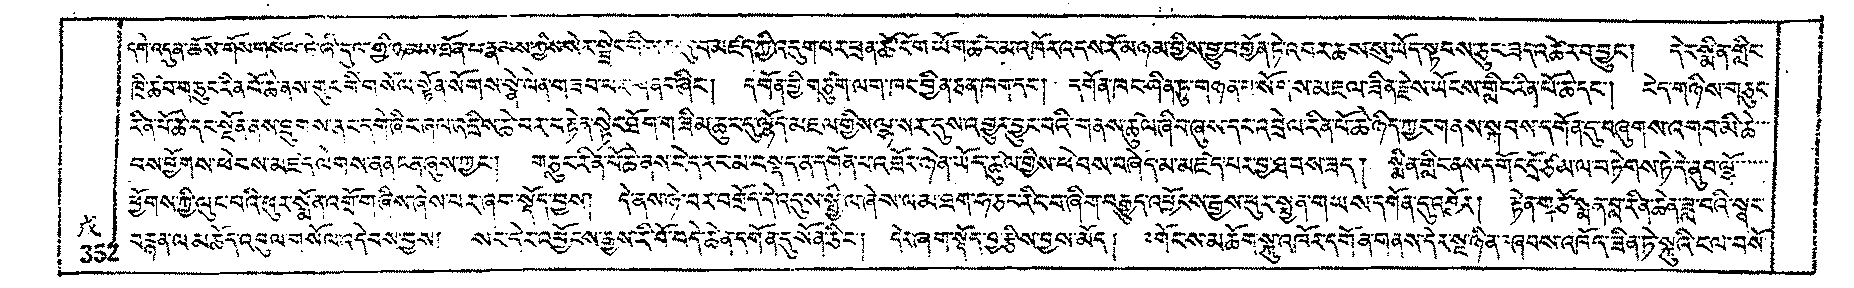དགེ་འདུན་ཆོས་གོས་གསོལ་ཏེ་ཞི་དུལ་གྱི་ཉམས་ཐོན་པ་རྣམས་ཀྱིས་སེར་སྦྲེང་གིས་བསུ་བ་མཛད་ཀྱི་འདུག་པར་ཕྲན་ཚོ་ངོ་གཡོག་ཚང་མ་འཁོར་འདས་རོ་མཉམ་གྱིས་ཕྱུ་བ་གྱོན་ཏེ་འབར་ཆས་སུ་ཡོད་སྟབས་ཅུང་ཟད་འཚེར་བ་བྱུང་། དེར་སྨིན་གླིང་
ཁྲི་ཚབ་གཅུང་རིན་པོ་ཆེ་ནས་གུང་གི་གསོལ་སྟོན་སོགས་སྣེ་ལེན་གཟབ་པར་གནང་ཞིང་། དགོན་གྱི་གཙུག་ལག་ཁང་བྱིན་ཅན་ཁག་དང་། དགོན་ཁང་ཤིན་ཏུ་གཉན་པ་སོགས་མཇལ་ཟིན་རྗེས་ཡོངས་གླིང་རིན་པོ་ཆེ་དང་། ངེད་གཉིས་གཅུང་
རིན་པོ་ཆེ་དང་སྔོན་ནས་ཐུགས་ནང་དགེ་ཞིང་ཞལ་འདྲིས་ཆེ་བར་བརྟེན་སྟེང་ཐོག་གཟིམ་ཆུང་དུ་ལྷོད་མཇལ་གྱིས་ལྷ་སར་དུས་འགྱུར་བྱུང་བའི་གནས་ཚུལ་ཞིབ་ཞུས་དང་འབྲེལ་རིན་པོ་ཆེ་ཉིད་ཀྱང་གནས་སྐབས་དགོན་དུ་བཞུགས་འགབ་མི་ཆེ་
བས་ཕྱོགས་ཕེབས་མཛད་ལེགས་ནན་ཏན་ཞུས་ཀྱང་། གཅུང་རིན་པོ་ཆེ་ནས་ངེད་རང་མ་བསྡད་ན་དགོན་པ་འཐོར་ཉེན་ཡོད་ཚུལ་གྱིས་ཕེབས་བཞེད་མ་མཛད་པར་བྱ་ཐབས་ཟད། སྨིན་གླིང་ནས་དགོང་དྲོ་ཙམ་ལ་བཏེགས་ཏེ་དེ་ནུབ་ལྷོ་ཕྱོགས་ཀྱི་ལུང་པའི་ཕུར་སྨོན་འགྲོ་གཞིས་ཞེས་པར་ཞག་སྡོད་བྱས། དེ་ནས་ཉེ་བར་བགྲོད་དེ་འདུས་སྤྱི་ལ་ཞེས་ལམ་ཐག་ཧ་ཅང་རིང་བ་ཞིག་བརྒྱུད་འཕྱོངས་རྒྱས་ཕུར་སྤྱན་གཡས་དགོན་དུ་འབྱོར། རྟེན་གཙོ་སྨན་བླ་རིན་ཆེན་ཟླ་བའི་སྣང་
བརྙན་ལ་མཆོད་འབུལ་གསོལ་འདེབས་བྱས། སང་དེར་འཕྱོངས་རྒྱས་རི་བོ་བདེ་ཆེན་དགོན་དུ་སོན་ཅིང་། དེར་ཞག་སྡོད་བྱ་རྩིས་བྱས་མོད། ༧གོང་ས་མཆོག་སྐུ་འཁོར་དགོན་གནས་དེར་སྔ་ཉིན་༧ཞབས་འཁོད་ཟིན་ཏེ་སྐུའི་ངལ་བས་